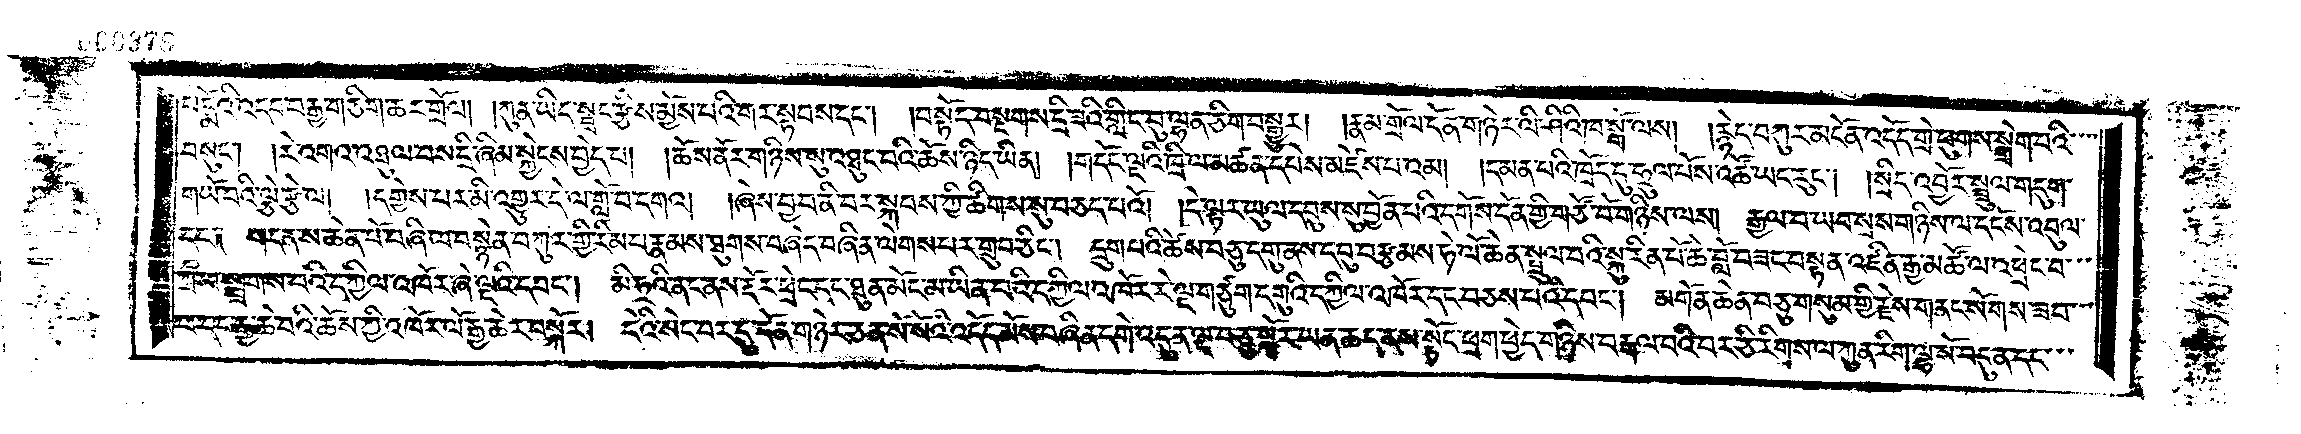པདམོའི་འདབ་བརྒྱ་གཅིག་ཆར་གྲོལ། །ཀུན་ཡིད་སྦྲང་རྩིས་མྱོས་པའི་གར་སྟབས་དང་། །བསྟོད་བསྔགས་དྲི་ཟའི་གླིང་བུ་ལྷན་ཅིག་བསྒྱུར། །རྣམ་གྲོལ་དོན་གཉེར་ལི་ཤིའི་ཁ་སྒོ་ལས། །རྙེད་བཀུར་མངོན་འདོད་གྲེ་ཕུགས་སྒྲེག་པའི་
བསུང་། །རེ་འགའ་འཐུལ་བས་དྲི་ཞིམ་སྐྱེངས་བྱེད་པ། །ཆོས་ནོར་གཉིས་སུ་འཐུང་བའི་ཆོས་ཉིད་ཡིན། །གདོང་ལྔའི་ཁྲི་ལ་མཚན་དཔེས་མཛེས་པ་འམ། །དམན་པའི་ཁྲོད་དུ་ཧྲུལ་པོས་འཚོ་ཡང་རུང་། །སྲིད་འབྱོར་སྤྲུལ་གདུག་
གཡོ་བའི་ལྕེ་རྩེ་ལ། །དགྱེས་པར་མི་འགྱུར་དེ་ལ་གློ་བ་དགའ། །ཞེས་བྱ་བ་ནི་བར་སྐབས་ཀྱི་ཚིགས་སུ་བཅད་པའོ། །དེ་ལྟར་ཡུལ་དབུས་སུ་བྱོན་པའི་དགོས་དོན་གྱི་གཙོ་བོ་གཉིས་ལས། རྒྱལ་བ་ཡབ་སྲས་གཉིས་ལ་དངོས་འབུལ་
དང༑ གདན་ས་ཆེན་པོ་བཞི་ལ་བསྙེན་བཀུར་གྱི་རིམ་པ་རྣམས་ཐུགས་བཞེད་བཞིན་ལེགས་པར་གྲུབ་ཅིང་། དྲུག་པའི་ཚེས་བཅུ་དགུ་ནས་དབུ་བརྩམས་ཏེ་ལོ་ཆེན་སྤྲུལ་བའི་སྐུ་རིན་པོ་ཆེ་བློ་བཟང་བསྟན་འཛིན་རྒྱ་མཚོ་ལ་འཕྲེང་བ་
ཀྲྀ་ཡ་སྦྲགས་པའི་དཀྱིལ་འཁོར་ཞེ་ལྔའི་དབང་། མི་ཏྲའི་ནང་ནས་རྡོར་ཕྲེང་དང་ཐུན་མོང་མ་ཡིན་པའི་དཀྱིལ་འཁོར་རེ་ལྔ་གཙུག་དགུའི་དཀྱིལ་འཁོར་དང་བཅས་པའི་དབང་། མགོན་ཆེན་བཅུ་གསུམ་གྱི་རྗེས་གནང་སོགས་ཟབ་
པ་དང་རྒྱ་ཆེ་པའི་ཆོས་ཀྱི་འཁོར་ལོ་རྒྱ་ཆེར་བསྐོར། དེའི་སེང་བར་དུ་དོན་གཉེར་ཅན་སོ་སོའི་འདོད་མོས་བཞིན་དགེ་འདུན་ལྔ་བཅུ་སྐོར་ཡན་ཆད་ནས་སྟོང་ཕྲག་ཕྱེད་གཉིས་བརྒལ་བའི་བར་ཅི་རིགས་ལ་ཀུན་རིག་ལྷ་སོ་བདུན་དང་